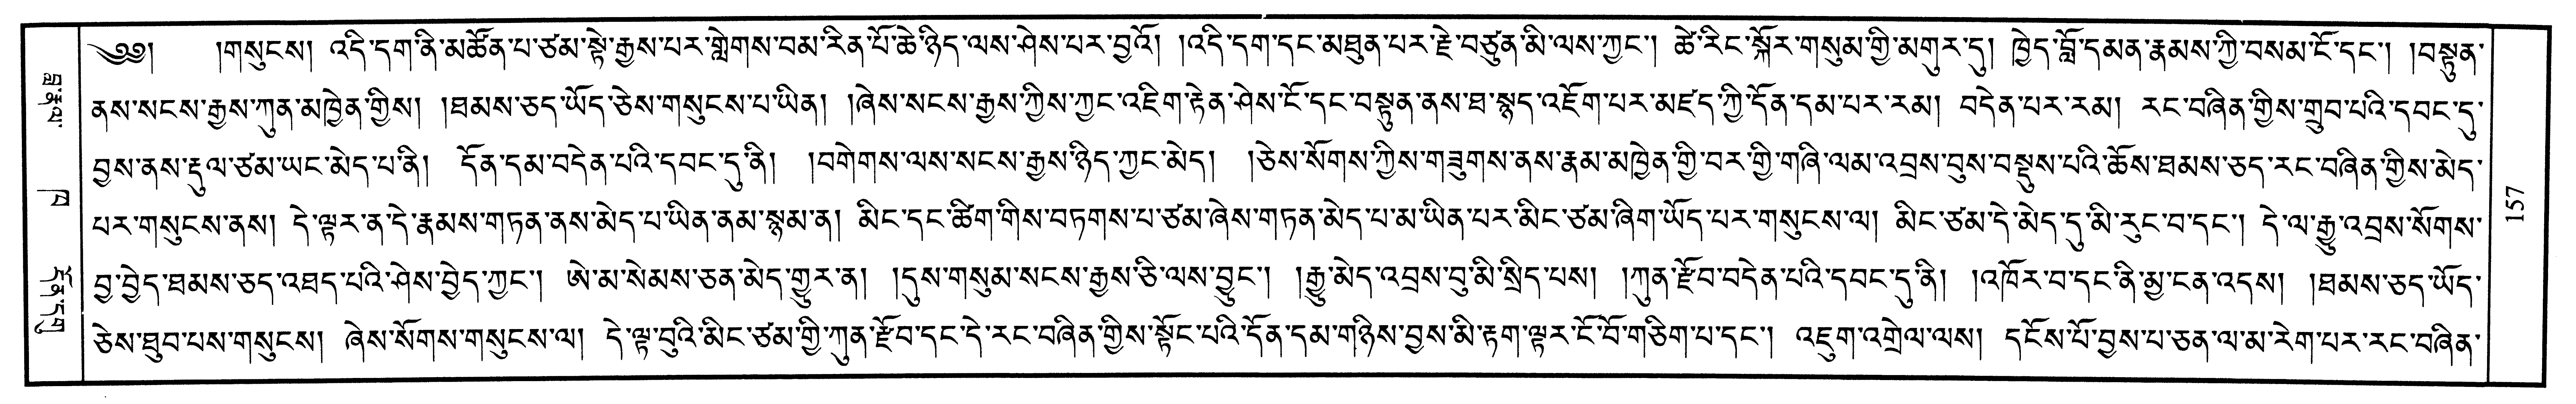༄༅། །གསུངས། འདི་དག་ནི་མཚོན་པ་ཙམ་སྟེ་རྒྱས་པར་གླེགས་བམ་རིན་པོ་ཆེ་ཉིད་ལས་ཤེས་པར་བྱའོ། །འདི་དག་དང་མཐུན་པར་རྗེ་བཙུན་མི་ལས་ཀྱང་། ཚེ་རིང་སྐོར་གསུམ་གྱི་མགུར་དུ། ཁྱེད་བློ་དམན་རྣམས་ཀྱི་བསམ་ངོ་དང་། །བསྟུན་
ནས་སངས་རྒྱས་ཀུན་མཁྱེན་གྱིས། །ཐམས་ཅད་ཡོད་ཅེས་གསུངས་པ་ཡིན། །ཞེས་སངས་རྒྱས་ཀྱིས་ཀྱང་འཇིག་རྟེན་ཤེས་ངོ་དང་བསྟུན་ནས་ཐ་སྙད་འཇོག་པར་མཛད་ཀྱི་དོན་དམ་པར་རམ། བདེན་པར་རམ། རང་བཞིན་གྱིས་གྲུབ་པའི་དབང་དུ་
བྱས་ནས་རྡུལ་ཙམ་ཡང་མེད་པ་ནི། དོན་དམ་བདེན་པའི་དབང་དུ་ནི། །བགེགས་ལས་སངས་རྒྱས་ཉིད་ཀྱང་མེད། །ཅེས་སོགས་ཀྱིས་གཟུགས་ནས་རྣམ་མཁྱེན་གྱི་བར་གྱི་གཞི་ལམ་འབྲས་བུས་བསྡུས་པའི་ཆོས་ཐམས་ཅད་རང་བཞིན་གྱིས་མེད་
པར་གསུངས་ནས། དེ་ལྟར་ན་དེ་རྣམས་གཏན་ནས་མེད་པ་ཡིན་ནམ་སྙམ་ན། མིང་དང་ཚིག་གིས་བཏགས་པ་ཙམ་ཞེས་གཏན་མེད་པ་མ་ཡིན་པར་མིང་ཙམ་ཞིག་ཡོད་པར་གསུངས་ལ། མིང་ཙམ་དེ་མེད་དུ་མི་རུང་བ་དང་། དེ་ལ་རྒྱུ་འབྲས་སོགས་
བྱ་བྱེད་ཐམས་ཅད་འཐད་པའི་ཤེས་བྱེད་ཀྱང་། ཨེ་མ་སེམས་ཅན་མེད་གྱུར་ན། །དུས་གསུམ་སངས་རྒྱས་ཅི་ལས་བྱུང་། །རྒྱུ་མེད་འབྲས་བུ་མི་སྲིད་པས། །ཀུན་རྫོབ་བདེན་པའི་དབང་དུ་ནི། །འཁོར་བ་དང་ནི་མྱ་ངན་འདས། །ཐམས་ཅད་ཡོད་
ཅེས་ཐུབ་པས་གསུངས། ཞེས་སོགས་གསུངས་ལ། དེ་ལྟ་བུའི་མིང་ཙམ་གྱི་ཀུན་རྫོབ་དང་དེ་རང་བཞིན་གྱིས་སྟོང་པའི་དོན་དམ་གཉིས་བྱས་མི་རྟག་ལྟར་ངོ་བོ་གཅིག་པ་དང་། འཇུག་འགྲེལ་ལས། དངོས་པོ་བྱས་པ་ཅན་ལ་མ་རེག་པར་རང་བཞིན་